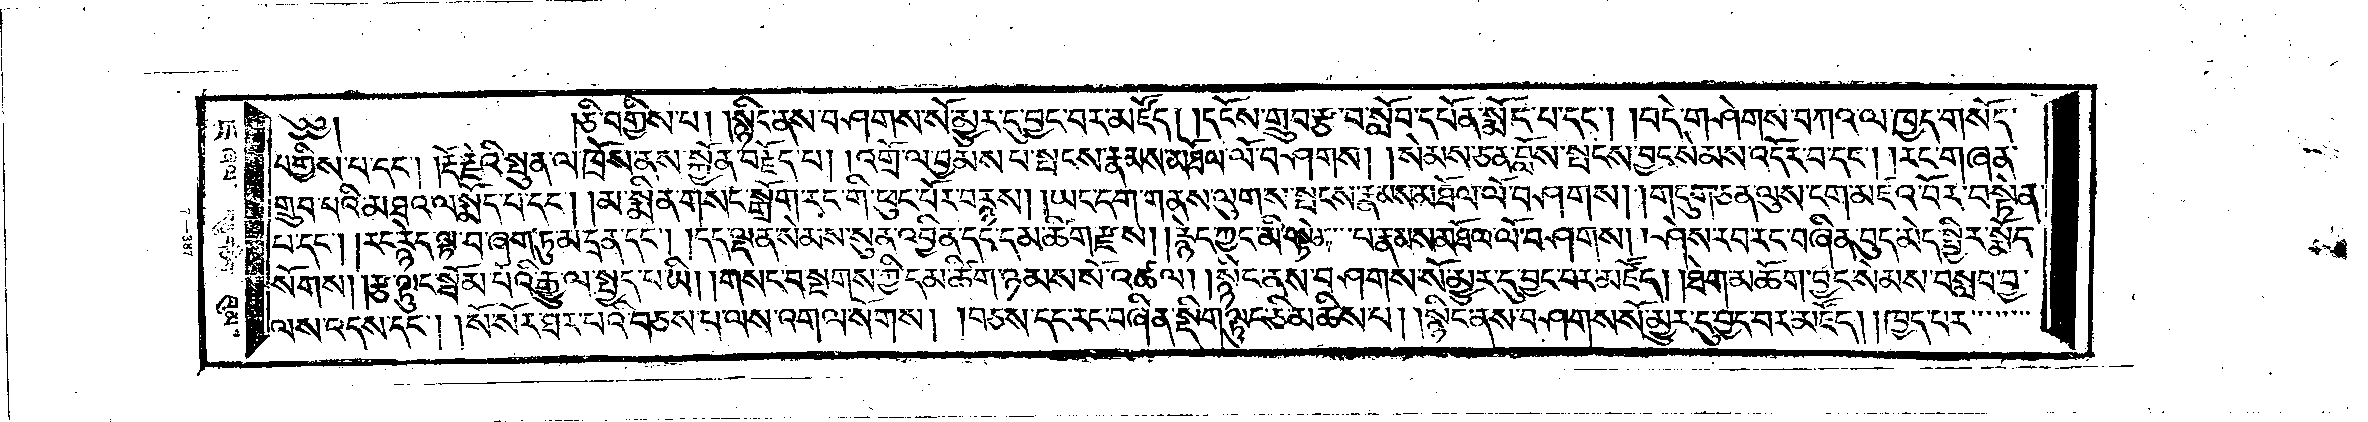༄༅། །ཅི་བགྱིས་པ། །སྙིང་ནས་བཤགས་སོ་མྱུར་དུ་བྱང་བར་མཛོད། །དངོས་གྲུབ་རྩ་བ་སློབ་དཔོན་སྨོད་པ་དང་། །བདེ་གཤེགས་བཀའ་ལ་ཁྱད་གསོད་
བགྱིས་པ་དང་། །རྡོ་རྗེའི་སྤུན་ལ་ཁྲོས་ནས་སྐྱོན་བརྗོད་པ། །འགྲོ་ལ་བྱམས་པ་སྤངས་རྣམས་མཐོལ་ལོ་བཤགས། །སེམས་ཅན་བློས་སྤངས་བྱང་སེམས་འདོར་བ་དང་། །རང་གཞན་
གྲུབ་པའི་མཐའ་ལ་སྨོད་པ་དང་། །མ་སྨིན་གསང་སྒྲོག་རང་གི་ཕུང་པོར་བརྙས། །ཡང་དག་གནས་ལུགས་སྤངས་རྣམས་མཐོལ་ལོ་བཤགས། །གདུག་ཅན་ལུས་ངག་མཛའ་བོར་བསྟེན་
པ་དང་། །རང་རྙེད་ལྟ་བ་ཞག་ཏུ་མ་དྲན་དང་། །དད་ལྡན་སེམས་སུན་འབྱིན་དང་དམ་ཚིག་རྫས། །རྙེད་ཀྱང་མི་བསྟེན་པ་རྣམས་མཐོལ་ལོ་བཤགས། །ཤེས་རབ་རང་བཞིན་བུད་མེད་སྤྱོར་སྨོད་
སོགས། །རྩ་ལྟུང་སྦོམ་པོའི་རྒྱུ་ལ་སྤྱད་པ་ཡི། །གསང་བ་སྔགས་ཀྱི་དམ་ཚིག་ཉམས་སོ་འཚལ། །སྙིང་ནས་བཤགས་སོ་མྱུར་དུ་བྱང་བར་མཛོད། །ཐེག་མཆོག་བྱང་སེམས་བསླབ་བྱ་
ལས་འདས་དང་། །སོ་སོར་ཐར་པའི་བཅས་པ་ལས་འགལ་སོགས། །བཅས་དང་རང་བཞིན་སྡིག་ལྟུང་ཅི་མཆིས་པ། །སྙིང་ནས་བཤགས་སོ་མྱུར་དུ་བྱང་བར་མཛོད། །ཁྱད་པར་